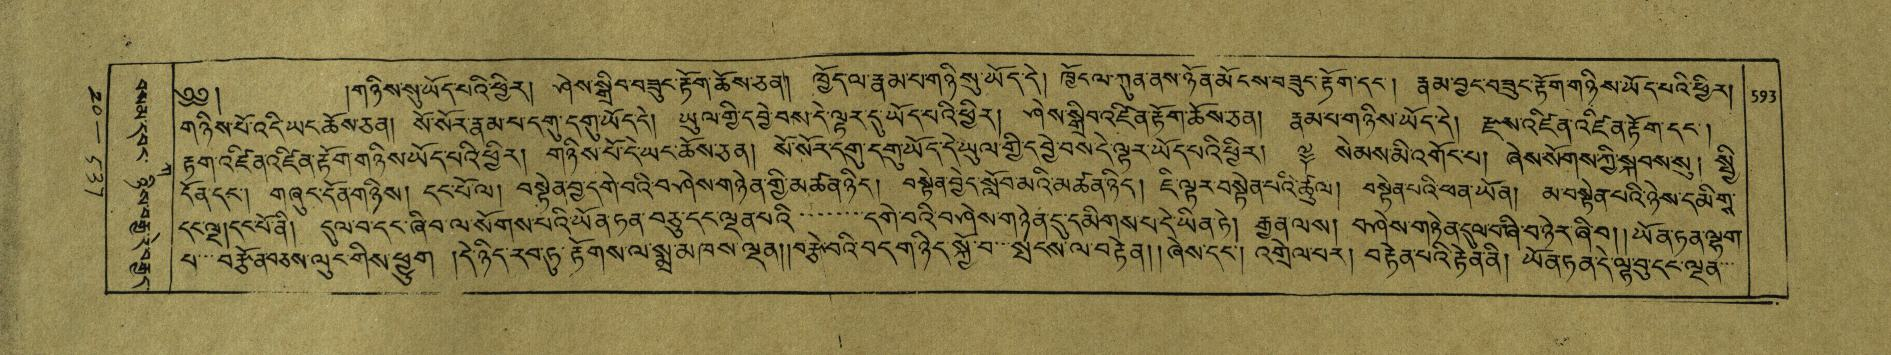༄༅། །གཉིས་སུ་ཡོད་པའི་ཕྱིར། ཤེས་སྒྲིབ་བཟུང་རྟོག་ཆོས་ཅན། ཁྱོད་ལ་རྣམ་པ་གཉིསུ་ཡོད་དེ། ཁྱོད་ལ་ཀུན་ནས་ཉོན་མོངས་བཟུང་རྟོག་དང་། རྣམ་བྱང་བཟུང་རྟོག་གཉིས་ཡོད་པའི་ཕྱིར།
གཉིས་པོ་འདི་ཡང་ཆོས་ཅན། སོ་སོར་རྣམ་པ་དགུ་དགུ་ཡོད་དེ། ཡུལ་གྱི་དབྱེ་བས་དེ་ལྟར་དུ་ཡོད་པའི་ཕྱིར། ཤེས་སྒྲིབ་འཛིན་རྟོག་ཆོས་ཅན། རྣམ་པ་གཉིས་ཡོད་དེ། རྫས་འཛིན་འཛིན་རྟོག་དང་།
རྟག་འཛིན་འཛིན་རྟོག་གཉིས་ཡོད་པའི་ཕྱིར། གཉིས་པོ་དེ་ཡང་ཆོས་ཅན། སོ་སོར་དགུ་དགུ་ཡོད་དེ་ཡུལ་གྱི་དབྱེ་བས་དེ་ལྟར་ཡོད་པའི་ཕྱིར། ༈ སེམས་མི་འགོང་པ། ཞེས་སོགས་ཀྱི་སྐབས་སུ། སྤྱི་
དོན་དང་། གཞུང་དོན་གཉིས། དང་པོ་ལ། བསྟེན་བྱ་དགེ་བའི་བཤེས་གཉེན་གྱི་མཚན་ཉིད། བསྟེན་བྱེད་སློབ་མའི་མཚན་ཉིད། ཇི་ལྟར་བསྟེན་པའི་ཚུལ། བསྟེན་པའི་ཕན་ཡོན། མ་བསྟེན་པའི་ཉེས་དམིགས་
དང་ལྔ། དང་པོ་ནི། དུལ་བ་དང་ཞི་བ་ལ་སོགས་པའི་ཡོན་ཏན་བཅུ་དང་ལྡན་པའི་དགེ་བའི་བཤེས་གཉེན་དུ་དམིགས་པ་དེ་ཡིན་ཏེ། རྒྱན་ལས། བཤེས་གཉེན་དུ་ལ་བཞི་བ་ཉེར་ཞི་བ། ། ཡོན་ཏན་ལྷག་
པ་བརྩོན་བཅས་ལུང་གིས་ཕྱུག །དེ་ཉིད་རབ་ཏུ་རྟོགས་ལ་སྨྲ་མཁས་ལྡན། །བརྩེ་བའི་བདག་ཉིད་སྐྱོ་བ་སྤངས་ལ་བརྟེན། །ཞེས་དང་། འགྲེལ་པར། བརྟེན་པའི་རྟེན་ནི། ཡོན་ཏན་དེ་ལྟ་བུ་དང་ལྡན་